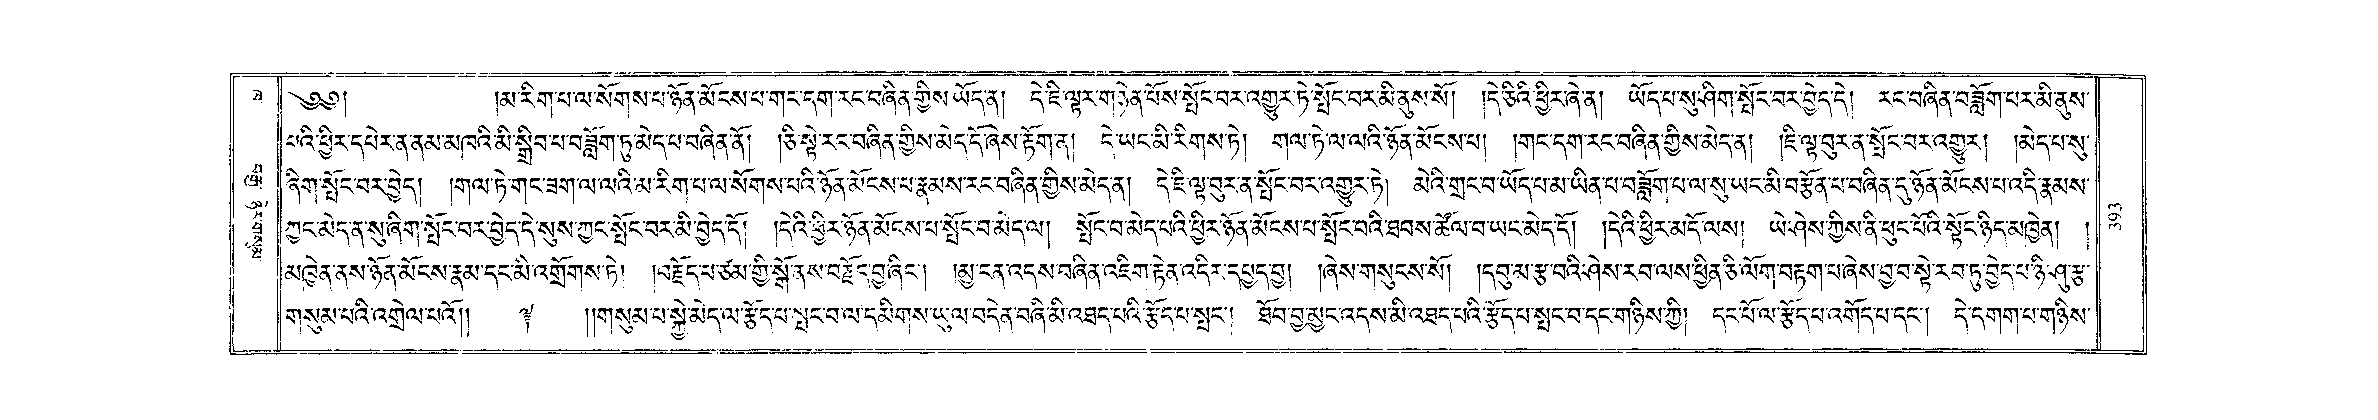༄༅། །མ་རིག་པ་ལ་སོགས་པ་ཉོན་མོངས་པ་གང་དག་རང་བཞིན་གྱིས་ཡོད་ན། དེ་ཇི་ལྟར་གཉེན་པོས་སྤོང་བར་འགྱུར་ཏེ་སྤོང་བར་མི་ནུས་སོ། །དེ་ཅིའི་ཕྱིར་ཞེ་ན། ཡོད་པ་སུ་ཤིག་སྤོང་བར་བྱེད་དེ། རང་བཞིན་བཟློག་པར་མི་ནུས་
པའི་ཕྱིར་དཔེར་ན་ནམ་མཁའི་མི་སྒྲིབ་པ་བཟློག་ཏུ་མེད་པ་བཞིན་ནོ། །ཅི་སྟེ་རང་བཞིན་གྱིས་མེད་དོ་ཞེས་རྟོག་ན། དེ་ཡང་མི་རིགས་ཏེ། གལ་ཏེ་ལ་ལའི་ཉོན་མོངས་པ། །གང་དག་རང་བཞིན་གྱིས་མེད་ན། །ཇི་ལྟ་བུར་ན་སྤོང་བར་འགྱུར། །མེད་པ་སུ་
ཞིག་སྤོང་བར་བྱེད། །གལ་ཏེ་གང་ཟག་ལ་ལའི་མ་རིག་པ་ལ་སོགས་པའི་ཉོན་མོངས་པ་རྣམས་རང་བཞིན་གྱིས་མེད་ན། དེ་ཇི་ལྟ་བུར་ན་སྤོང་བར་འགྱུར་ཏེ། མེའི་གྲང་བ་ཡོད་པ་མ་ཡིན་པ་བཟློག་པ་ལ་སུ་ཡང་མི་བརྩོན་པ་བཞིན་དུ་ཉོན་མོངས་པ་འདི་རྣམས་
ཀྱང་མེད་ན་སུ་ཞིག་སྤོང་བར་བྱེད་དེ་སུས་ཀྱང་སྤོང་བར་མི་བྱེད་དོ། །དེའི་ཕྱིར་ཉོན་མོངས་པ་སྤོང་བ་མེད་ལ། སྤོང་བ་མེད་པའི་ཕྱིར་ཉོན་མོངས་པ་སྤོང་བའི་ཐབས་ཚོལ་བ་ཡང་མེད་དོ། །དེའི་ཕྱིར་མདོ་ལས། ཡེ་ཤེས་ཀྱིས་ནི་ཕུང་པོའི་སྟོང་ཉིད་མཁྱེན། །
མཁྱེན་ནས་ཉོན་མོངས་རྣམ་དང་མི་འགྲོགས་ཏེ། །བརྗོད་པ་ཙམ་གྱི་སྒོ་ནས་བརྗོད་བྱ་ཞིང་། །མྱ་ངན་འདས་བཞིན་འཇིག་རྟེན་འདིར་དཔྱད་བྱ། །ཞེས་གསུངས་སོ། །དབུ་མ་རྩ་བའི་ཤེས་རབ་ལས་ཕྱིན་ཅི་ལོག་བརྟག་པ་ཞེས་བྱ་བ་སྟེ་རབ་ཏུ་བྱེད་པ་ཉི་ཤུ་ཙ་
གསུམ་པའི་འགྲེལ་པའོ།། ༈ །།གསུམ་པ་སྐྱེ་མེད་ལ་རྩོད་པ་སྤང་བ་ལ་དམིགས་ཡུལ་བདེན་བཞི་མི་འཐད་པའི་རྩོད་པ་སྤང་། ཐོབ་བྱ་མྱང་འདས་མི་འཐད་པའི་རྩོད་པ་སྤང་བ་དང་གཉིས་ཀྱི། དང་པོ་ལ་རྩོད་པ་འགོད་པ་དང་། དེ་དགག་པ་གཉིས་